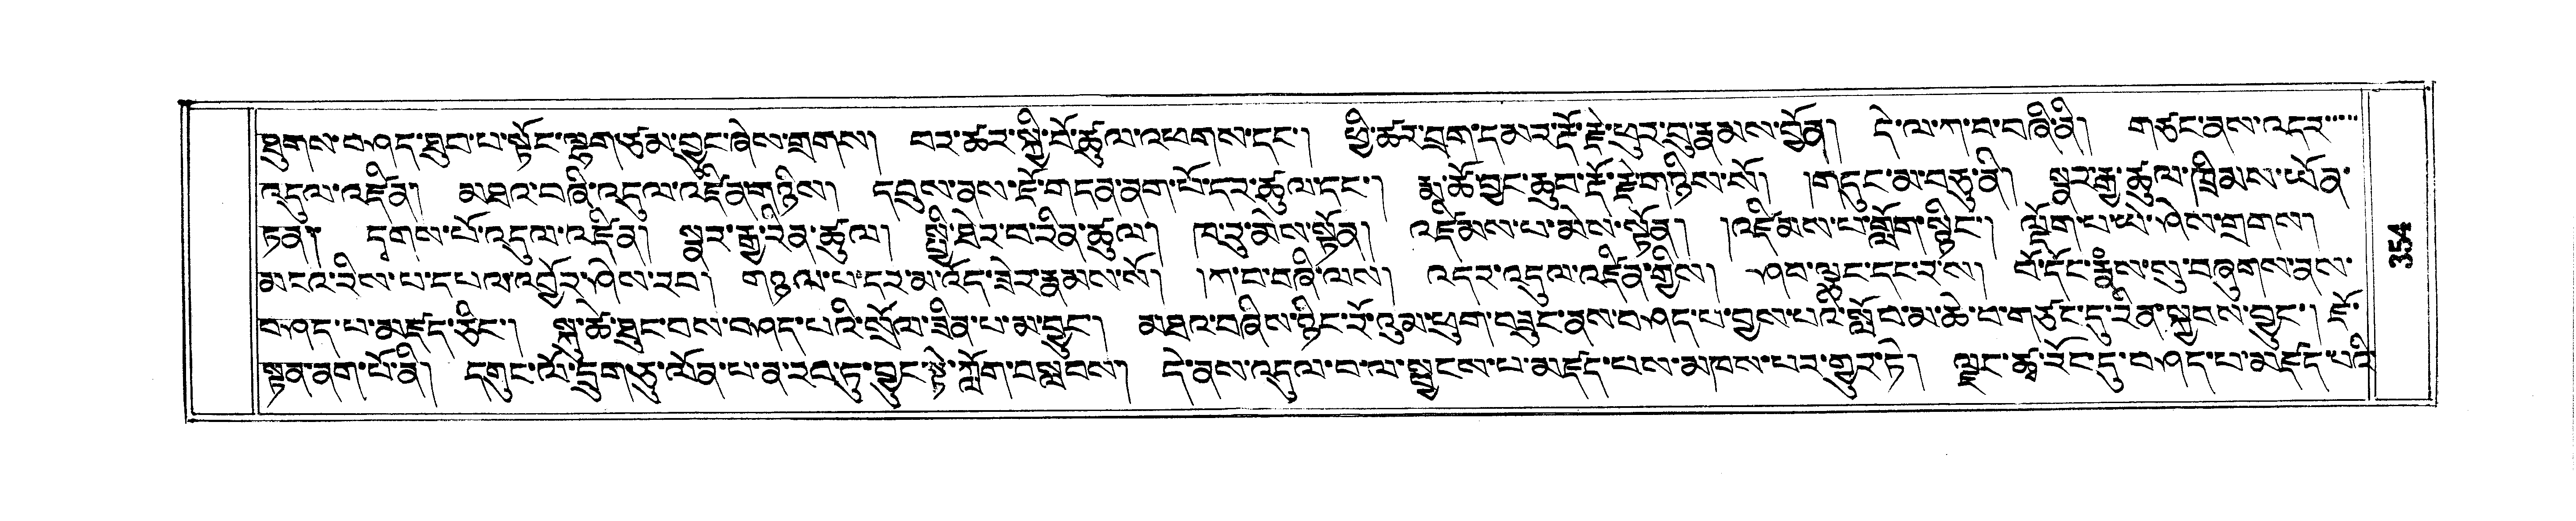ཐུགས་བཤད་ཐུབ་པ་སྟོང་ལྷག་ཙམ་བྱུང་ཞེས་གྲགས། བར་ཚར་སྐྱི་བོ་ཚུལ་འཕགས་དང་། ཕྱི་ཚར་བྲག་དམར་རྡོ་རྗེ་ཕུར་བུ་རྣམས་བྱོན། དེ་ལ་ཀ་བ་བཞི་ནི། གཙང་ནས་འདར་
འདུལ་འཛིན། མཐའ་བཞི་འདུལ་འཛིན་གཉིས། དབུས་ནས་ཇོ་གདན་ནག་པོ་དར་ཚུལ་དང་། རྨ་ཚོ་བྱང་ཆུབ་རྡོ་རྗེ་གཉིས་སོ། །གདུང་མ་བཅུ་ནི། སྣར་རྒྱ་ཚུལ་ཁྲིམས་ཡོན་
ཏན༑ དྭགས་པོ་འདུལ་འཛིན། སྣར་རྒྱ་རིན་ཚུལ། སྤྱི་ཐེར་བ་རིན་ཚུལ། ཁ་རུ་མེས་སྟོན། འཛིམས་པ་མེས་སྟོན། །འཛིམས་པ་གློག་སྙིང་། ལྡོག་པ་ཡེ་ཤེས་གྲགས།
མངའ་རིས་པ་དཔལ་འབྱོར་ཤེས་རབ། གཉལ་པ་དར་མ་འོད་ཟེར་རྣམས་སོ། །ཀ་བ་བཞི་ལས། འདར་འདུལ་འཛིན་གྱིས། ཤབ་ལྕང་དང་ར་ས། བོ་དོང་རྣཾས་སུ་བཞུགས་ནས་
བཤད་པ་མཛད་ཅིང་། སྐུ་ཚེ་ཐུང་བས་བཤད་པའི་སྲོལ་ཟིན་པ་མ་བྱུང་། མཐའ་བཞིས་ཉིང་རོ་འུམ་ཕུག་བཟུང་ནས་བཤད་པ་བྱས་པའི་སློབ་མ་ཆེ་བ་གཙང་དུ་རིན་སྐྱབས་བྱུང་། ཇོ་
སྟན་ནག་པོ་ནི། དགུང་ལོ་དྲུག་ཅུ་ལོན་པ་ན་རབ་ཏུ་བྱུང་སྟེ་ཀློག་བསླབས། དེ་ནས་འདུལ་བ་ལ་སྦྱངས་པ་མཛད་པས་མཁས་པར་གྱུར་ཏེ། ལྗང་ཚྭ་རོང་དུ་བཤད་པ་མཛད་པའི་